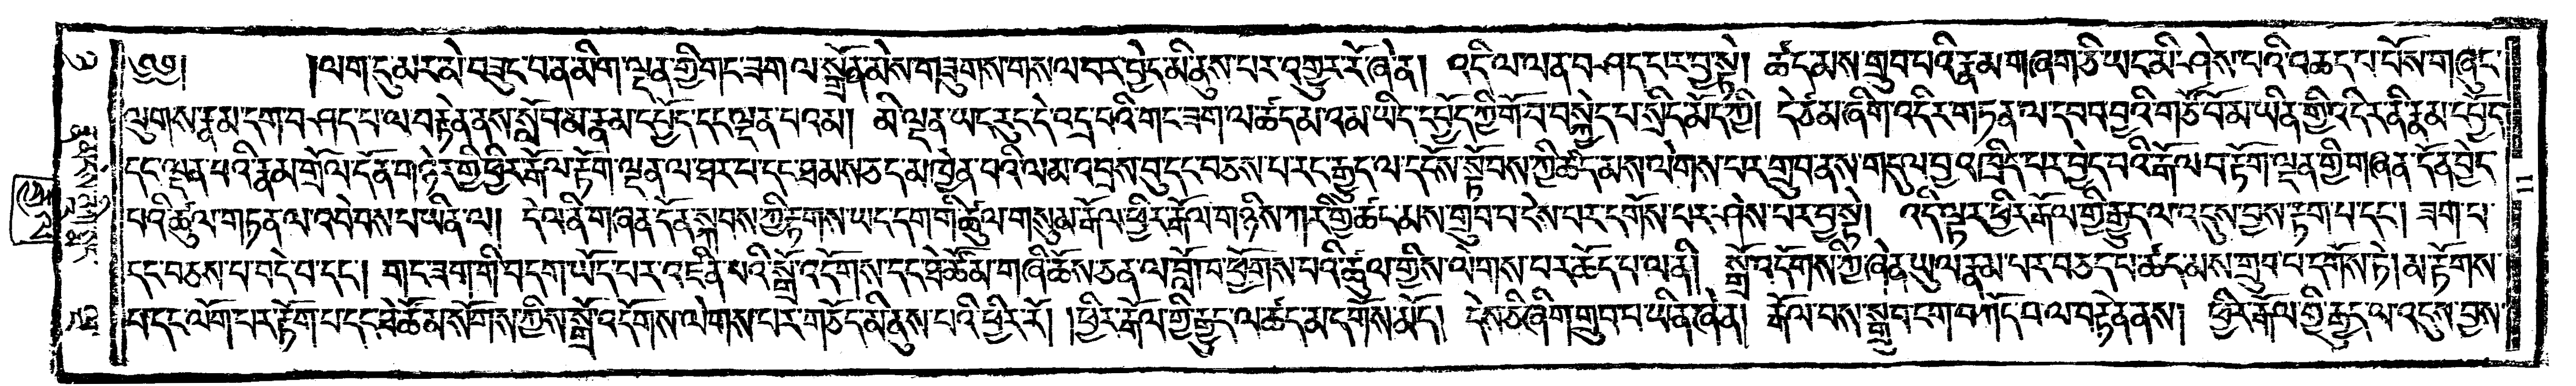༄༅། །ལག་དུ་མར་མེ་བཟུང་པ་ན་མིག་ལྡན་གྱི་གང་ཟག་ལ་སྒྲོན་མེས་གཟུགས་གསལ་བར་བྱེད་མི་ནུས་པར་འགྱུར་རོ་ཞེ་ན། འདི་ལ་ལན་བཤད་པར་བྱ་སྟེ། ཚད་མས་གྲུབ་པའི་རྣམ་གཞག་ཅི་ཡང་མི་ཤེས་པའི་འཆད་པ་པོས་གཞུང་
ལུགས་རྣམ་དག་བཤད་པ་ལ་བརྟེན་ནས་སློབ་མ་རྣམ་དཔྱོད་དང་ལྡན་པའམ། མི་ལྡན་ཡང་རུང་དེ་འདྲ་བའི་གང་ཟག་ལ་ཚད་མ་འམ་ཡིད་དཔྱོད་ཀྱི་གོ་བ་བསྐྱེད་པ་སྲིད་མོད་ཀྱི། དེ་ཙམ་ཞིག་འདིར་གཏན་ལ་དབབ་བྱའི་གཙོ་བོ་མ་ཡིན་གྱི་འདིར་ནི་རྣམ་དཔྱོད་
དང་ལྡན་པའི་རྣམ་གྲོལ་དོན་གཉེར་གྱི་ཕྱིར་རྒོལ་རྟོག་ལྡན་ལ་ཐར་པ་དང་ཐམས་ཅད་མཁྱེན་པའི་ལམ་འབྲས་བུ་དང་བཅས་པ་རང་རྒྱུད་ལ་དངོས་སྟོབས་ཀྱི་ཚད་མས་ལེགས་པར་གྲུབ་ནས་གདུལ་བྱ་འཁྲིད་པར་བྱེད་པའི་རྒོལ་བ་རྟོག་ལྡན་གྱི་གཞན་དོན་བྱེད་
པའི་ཚུལ་གཏན་ལ་འབེབས་པ་ཡིན་ལ། དེ་ལ་ནི་གཞན་དོན་སྐབས་ཀྱི་རྟགས་ཡང་དག་གི་ཚུལ་གསུམ་རྒོལ་ཕྱིར་རྒོལ་གཉིས་ཀར་གྱི་ཚད་མས་གྲུབ་པ་ངེས་པར་དགོས་པར་ཤེས་པར་བྱ་སྟེ། འདི་ལྟར་ཕྱིར་རྒོལ་གྱི་རྒྱུད་ལ་འདུས་བྱས་རྟག་པ་དང་། ཟག་པ་
དང་བཅས་པ་བདེ་བ་དང་། གང་ཟག་གི་བདག་ཡོད་པར་འཛིན་པའི་སྒྲོ་འདོགས་དང་ཐེ་ཚོམ་གཞི་ཆོས་ཅན་ལ་བློ་ཁ་ཕྱོགས་པའི་ཚུལ་གྱིས་ལེགས་པར་ཆོད་པ་ལ་ནི། སྒྲོ་འདོགས་ཀྱི་ཞེན་ཡུལ་རྣམ་པར་བཅད་པ་ཚད་མས་གྲུབ་པ་དགོས་ཏེ། མ་རྟོགས་
པ་དང་ལོག་པར་རྟོག་པ་དང་ཐེ་ཚོམ་སོགས་ཀྱིས་སྒྲོ་འདོགས་ལེགས་པར་གཅོད་མི་ནུས་པའི་ཕྱིར་རོ། །ཕྱིར་རྒོལ་གྱི་རྒྱུད་ལ་ཚད་མ་དགོས་མོད། དེས་ཅི་ཞིག་གྲུབ་པ་ཡིན་ཞེ་ན། རྒོལ་བས་སྒྲུབ་ངག་བཀོད་པ་ལ་བརྟེན་ནས། ཕྱིར་རྒོལ་གྱི་རྒྱུད་ལ་འདུས་བྱས་